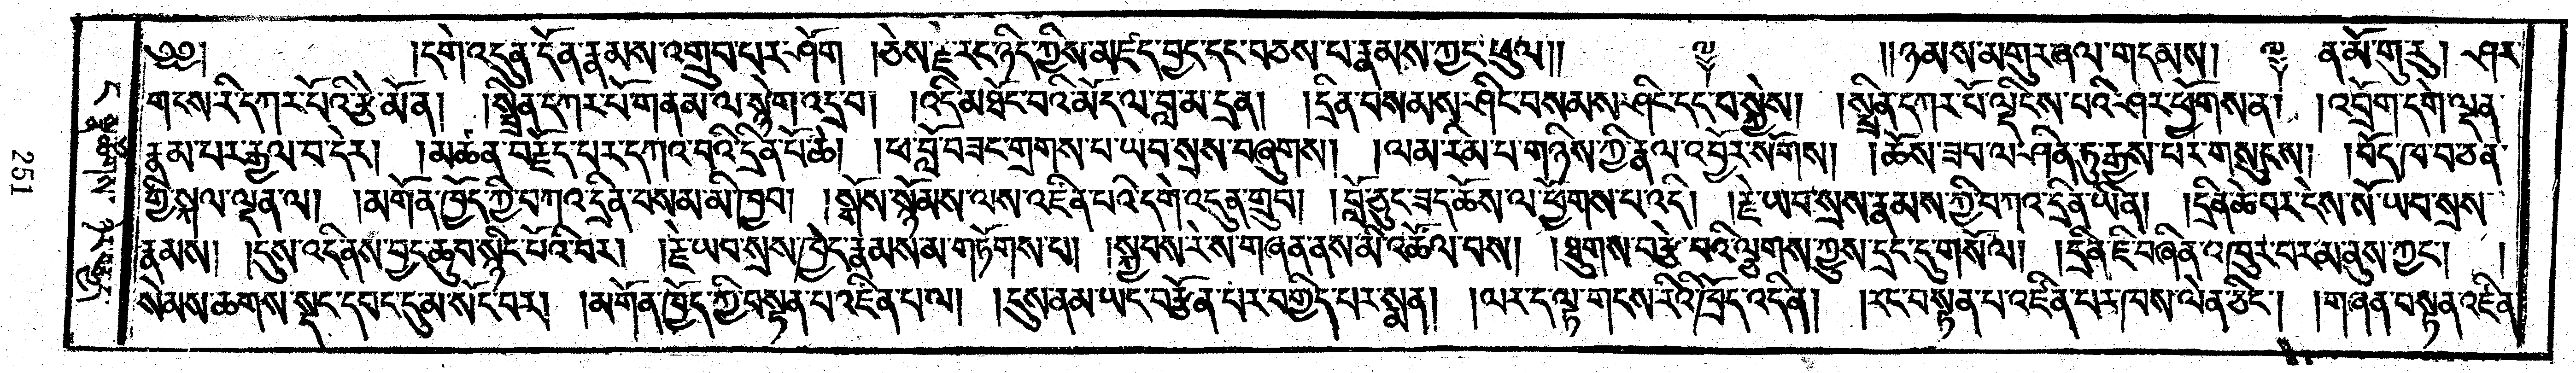༄༅། །དགེ་འདུན་དོན་རྣམས་འགྲུབ་པར་ཤོག །ཅེས་རྗེ་རང་ཉིད་ཀྱིས་མཛད་བྱང་དང་བཅས་པ་རྣམས་ཀྱང་ཕུལ།། ༈ །།ཉམས་མགུར་ཞལ་གདམས། ༈ ན་མོ་གུ་རུ། ཤར་
གངས་རི་དཀར་པོའི་རྩེ་མོ་ན། །སྦྲིན་དཀར་པོ་གནམ་ལ་སྙེག་འདྲ་བ། །འདི་མཐོང་བའི་མོད་ལ་བླ་མ་དྲན། །དྲིན་བསམས་ཤིང་བསམས་ཤིང་དང་བ་སྐྱེས། །སྤྲིན་དཀར་པོ་ལྡིངས་པའི་ཤར་ཕྱོགས་ན། །འབྲོག་དགེ་ལྡན་
རྣམ་པར་རྒྱལ་བ་དེར། །མཚན་བརྗོད་པར་དཀའ་བའི་དྲིན་པོ་ཆེ། །ཕ་བློ་བཟང་གྲགས་པ་ཡབ་སྲས་བཞུགས། །ལམ་རིམ་པ་གཉིས་ཀྱི་རྣལ་འབྱོར་སོགས། །ཆོས་ཟབ་ལ་ཤིན་ཏུ་རྒྱས་པར་གསུངས། །བོད་ཁ་བ་ཅན་
གྱི་སྐལ་ལྡན་ལ། །མགོན་ཁྱོད་ཀྱི་བཀའ་དྲིན་བསམ་མི་ཁྱབ། །སྒོས་སྙོམས་ལས་འཛིན་པའི་དགེ་འདུན་གྲུབ། །བློ་ཅུང་ཟད་ཆོས་ལ་ཕྱོགས་པ་འདི། །རྗེ་ཡབ་སྲས་རྣམས་ཀྱི་བཀའ་དྲིན་ཡིན། །དྲིན་ཆེ་བར་ངེས་སོ་ཡབ་སྲས་
རྣམས། །དུས་འདི་ནས་བྱང་ཆུབ་སྙིང་པོའི་བར། །རྗེ་ཡབ་སྲས་ཁྱེད་རྣམས་མ་གཏོགས་པ། །སྐྱབས་རེ་ས་གཞན་ནས་མི་འཚོལ་བས། །ཐུགས་བརྩེ་བའི་ལྕགས་ཀྱུས་དྲང་དུ་གསོལ། །དྲིན་ཇི་བཞིན་འཁུར་བར་མ་ནུས་ཀྱང་། །
སེམས་ཆགས་སྡང་དབང་དུ་མ་སོང་བར། །མགོན་ཁྱོད་ཀྱི་བསྟན་པ་འཛིན་པ་ལ། །དུས་ནམ་ཡང་བརྩོན་པར་བགྱིད་པར་སྨན། །ལར་ད་ལྟ་གངས་རིའི་ཁྲོད་འདི་ན། །རང་བསྟན་པ་འཛིན་པར་ཁས་ལེན་ཅིང་། །གཞན་བསྟན་འཛིན་